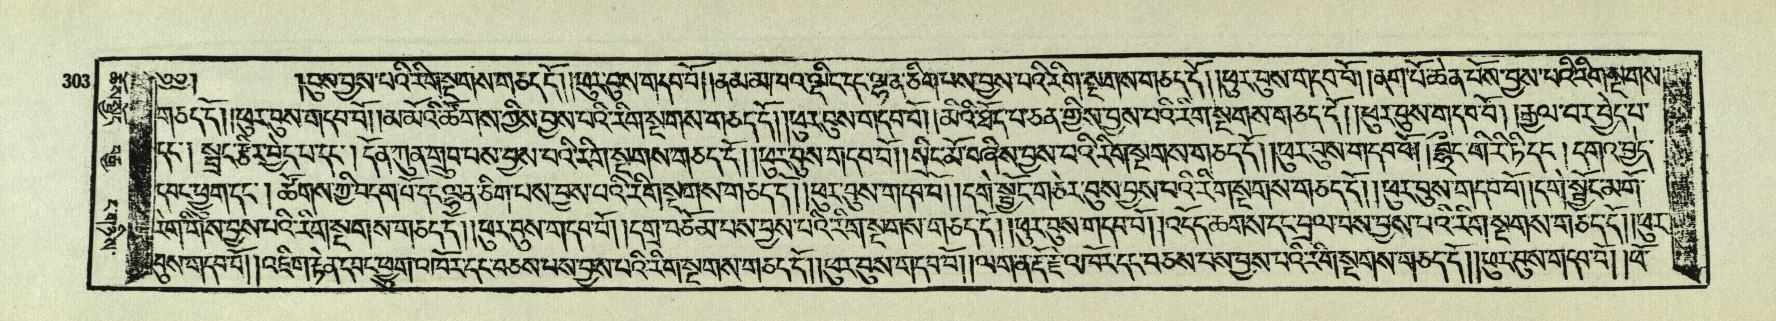༄༅། །བུས་བྱས་པའི་རིག་སྔགས་གཅད་དོ། །ཕུར་བུས་གདབ་བོ། །ནམ་མཁའ་ལྡིང་དང་ལྷན་ཅིག་པས་བྱས་པའི་རིག་སྔགས་གཅད་དོ། །ཕུར་བུས་གདབ་བོ། །ནག་པོ་ཆེན་པོས་བྱས་པའི་རིག་སྔགས་
གཅད་དོ། །ཕུར་བུས་གདབ་བོ། །མ་མོའི་ཚོགས་ཀྱིས་བྱས་པའི་རིག་སྔགས་གཅད་དོ། །ཕུར་བུས་གདབ་བོ། །མིའི་ཐོད་པ་ཅན་གྱིས་བྱས་པའི་རིག་སྔགས་གཅད་དོ། །ཕུར་བུས་གདབ་བོ། །རྒྱལ་བར་བྱེད་པ་
དང་།སྦྲང་རྩིར་བྱེད་པ་དང་།དོན་ཀུན་གྲུབ་པས་བྱས་པའི་རིག་སྔགས་གཅད་དོ། །ཕུར་བུས་གདབ་བོ། །སྲིང་མོ་བཞིས་བྱས་པའི་རིག་སྔགས་གཅད་དོ། །ཕུར་བུས་གདབ་བོ། །བྷྲྀང་གི་རི་ཏི་དང་།དགའ་བྱེད་
དབང་ཕྱུག་དང་།ཚོགས་ཀྱི་བདག་པོ་དང་ལྷན་ཅིག་པས་བྱས་པའི་རིག་སྔགས་གཅད་དོ། །ཕུར་བུས་གདབ་བོ། །དགེ་སྤྱོང་གཅེར་བུས་བྱས་པའི་རིག་སྔགས་གཅད་དོ། །ཕུར་བུས་གདབ་བོ། །དགེ་སྤྱོང་མགོ་
རེག་གིས་བྱས་པའི་རིག་སྔགས་གཅད་དོ། །ཕུར་བུས་གདབ་བོ། །དགྲ་བཅོམ་པས་བྱས་པའི་རིག་སྔགས་གཅད་དོ། །ཕུར་བུས་གདབ་བོ། །འདོད་ཆགས་དང་བྲལ་བས་བྱས་པའི་རིག་སྔགས་གཅད་དོ། །ཕུར་
བུས་གདབ་བོ། །འཇིག་རྟེན་དབང་ཕྱུག་འཁོར་དང་བཅས་པས་བྱས་པའི་རིག་སྔགས་གཅད་དོ། །ཕུར་བུས་གདབ་བོ། །ལག་ན་རྡོ་རྗེ་འཁོར་དང་བཅས་པས་བྱས་པའི་རིག་སྔགས་གཅད་དོ། །ཕུར་བུས་གདབ་བོ། །ཕོ་